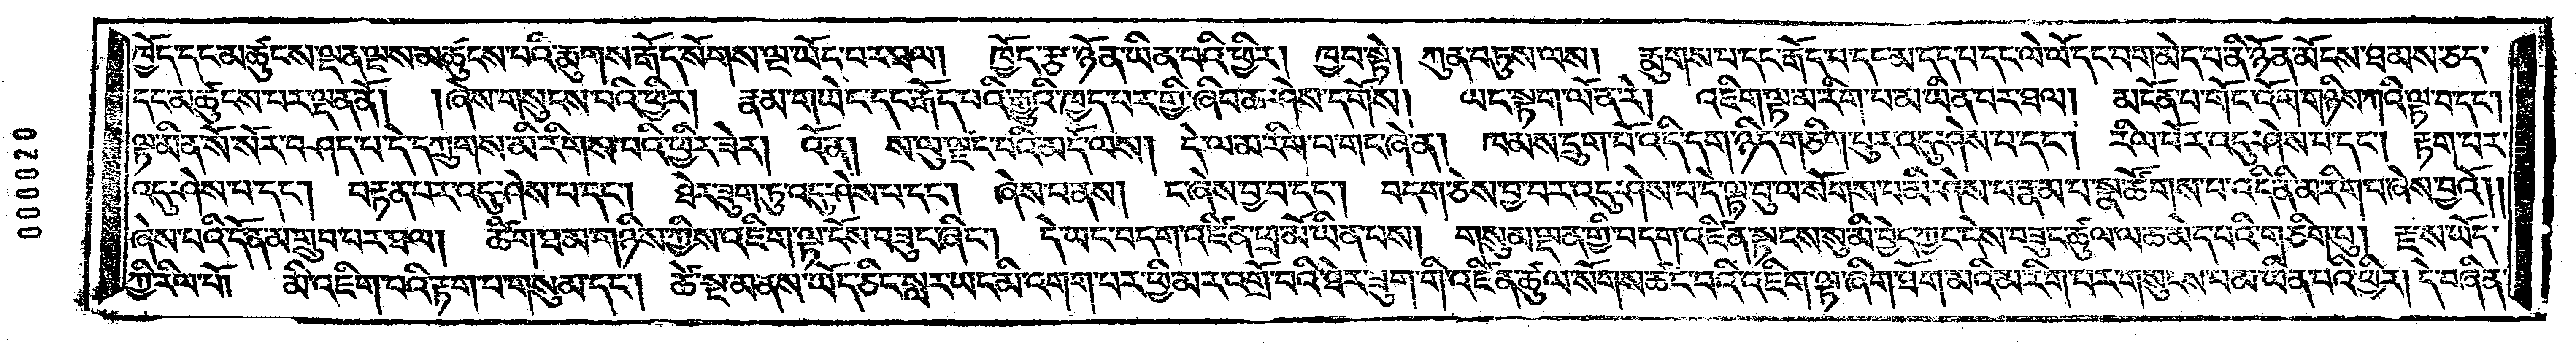ཁྱོད་དང་མཚུངས་ལྡན་ལྔས་མཚུངས་པའི་རྨུགས་རྒོད་སོགས་ལྔ་ཡོད་པར་ཐལ། ཁྱོད་རྩ་ཉོན་ཡིན་པའི་ཕྱིར། ཁྱབ་སྟེ། ཀུན་བཏུས་ལས། རྨུགས་པ་དང་རྒོད་པ་དང་མ་དང་པ་དང་ལེ་ལོ་དང་བག་མེད་པ་ནི་ཉོན་མོངས་ཐམས་ཅད་
དང་མཚུངས་པར་ལྡན་ནོ། །ཞེས་གསུངས་པའི་ཕྱིར། རྣམ་གཡེང་དང་རྒོད་པའི་རྒྱུའི་ཁྱད་པར་གྱི་ཞིབ་ཆ་ཤེས་དགོས། ཡང་སྟག་ལོ་ན་རེ། འཇིག་ལྟ་མ་རིག་པ་མ་ཡིན་པར་ཐལ། མངོན་པ་གོང་འོག་གཉིས་ཀའི་ལྟ་བ་དང་།
ལྟ་མིན་སོ་སོར་བཤད་པ་དེ་དཀྲུགས་མི་རིགས་པའི་ཕྱིར་ཟེར། འོ་ན། ས་ལུ་ལྗང་པའི་མདོ་ལས། དེ་ལ་མ་རིག་པ་གང་ཞེ་ན། ཁམས་དྲུག་པོ་འདི་དག་ཉིད་གཅིག་པུར་འདུ་ཤེས་པ་དང་། རིལ་པོར་འདུ་ཤེས་པ་དང་། རྟག་པར་
འདུ་ཤེས་པ་དང་། བརྟན་པར་འདུ་ཤེས་པ་དང་། ཐེར་ཟུག་ཏུ་འདུ་ཤེས་པ་དང་། ཞེས་པ་ནས། ང་ཞེས་བྱ་བ་དང་། བདག་ཅེས་བྱ་བར་འདུ་ཤེས་པ་དེ་ལྟ་བུ་ལ་སོགས་པ་མི་ཤེས་པ་རྣམ་པ་སྣ་ཚོགས་པ་འདི་ནི་མ་རིག་པ་ཞེས་བྱའོ།།
ཞེས་བའི་དོན་མ་གྲུབ་པར་ཐལ། ཚིག་ཐ་མ་གཉིས་ཀྱིས་འཇིག་ལྟ་ངོས་བཟུང་ཞིང་། དེ་ཡང་བདག་འཛིན་ཕྲ་མོ་ཡིན་པས། གསུམ་ལྡན་གྱི་བདག་འཛིན་སྟངས་སུ་མི་བྱེད་ཀྱང་དེས་བཟུང་ཚུལ་ལ་ཆ་མེད་པའི་གཅིག་པུ། རྫས་ཡོད་
ཀྱི་རིལ་པོ། མི་འཇིག་པའི་རྟག་པ་གསུམ་དང་། ཚེ་སྔ་མ་ནས་ཡོད་ཅིང་སླར་ཡང་མི་འགག་པར་ཕྱི་མར་འགྲོ་བའི་ཐེར་ཟུག་གི་འཛིན་ཚུལ་སོགས་ཚང་བའི་འཇིག་ལྟ་ཞིག་ཐོག་མའི་མ་རིག་པར་གསུངས་པ་མ་ཡིན་པའི་ཕྱིར། དེ་བཞིན་